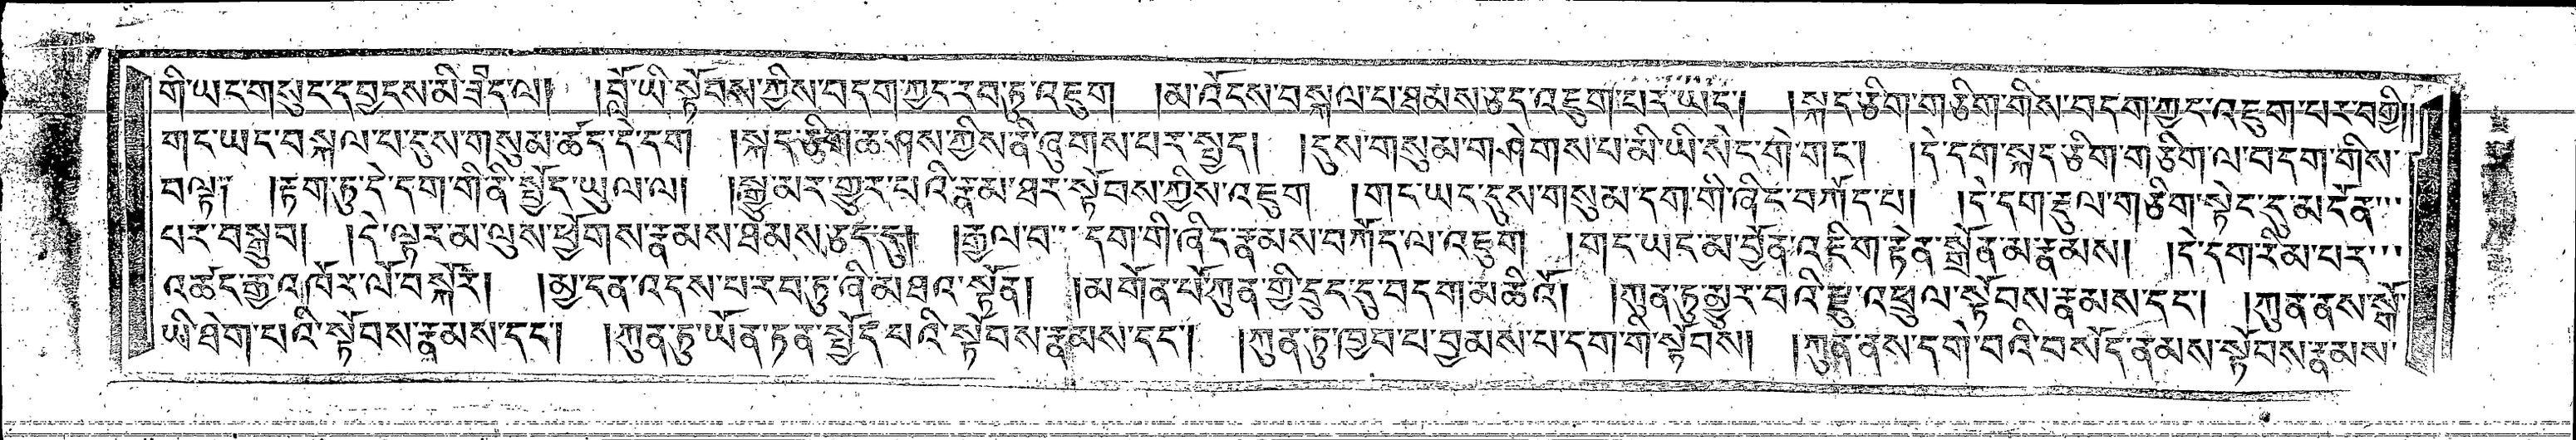གི་ཡང་གསུང་དབྱངས་མི་བཟད་ལ། །བློ་ཡི་སྟོབས་ཀྱིས་བདག་ཀྱང་རབ་ཏུ་འཇུག །མ་འོངས་བསྐལ་པ་ཐམས་ཅད་འཇུག་པར་ཡང་། །སྐད་ཅིག་གཅིག་གིས་བདག་ཀྱང་འཇུག་པར་བགྱི།།
གང་ཡང་བསྐལ་པ་དུས་གསུམ་ཚད་དེ་དག །སྐད་ཅིག་ཆ་ཤས་ཀྱིས་ནི་ཞུགས་པར་སྤྱད། །དུས་གསུམ་གཤེགས་པ་མི་ཡི་སེང་གེ་གང་། །དེ་དག་སྐད་ཅིག་གཅིག་ལ་བདག་གིས་
བལྟ༑ །རྟག་ཏུ་དེ་དག་གི་ནི་སྤྱོད་ཡུལ་ལ། །སྒྱུ་མར་གྱུར་པའི་རྣམ་ཐར་སྟོབས་ཀྱིས་འཇུག །གང་ཡང་དུས་གསུམ་དག་གི་ཞིང་བཀོད་པ། །དེ་དག་རྡུལ་གཅིག་སྟེང་དུ་མངོན་
པར་བསྒྲུབ། །དེ་ལྟར་མ་ལུས་ཕྱོགས་རྣམས་ཐམས་ཅད་དུ། །རྒྱལ་བ་དག་གི་ཞིང་རྣམས་བཀོད་ལ་འཇུག །གང་ཡང་མ་བྱོན་འཇིག་རྟེན་སྒྲོན་མ་རྣམས། །དེ་དག་རིམ་པར་
འཚང་རྒྱ་འཁོར་ལོ་བསྐོར། །མྱ་ངན་འདས་པ་རབ་ཏུ་ཞི་མཐའ་སྟོན། །མགོན་པོ་ཀུན་གྱི་དྲུང་དུ་བདག་མཆིའོ། །ཀུན་ཏུ་མྱུར་བའི་རྫུ་འཕྲུལ་སྟོབས་རྣམས་དང་། །ཀུན་ནས་སྒོ་
ཡི་ཐེག་པའི་སྟོབས་རྣམས་དང་། །ཀུན་ཏུ་ཡོན་ཏན་སྤྱོད་པའི་སྟོབས་རྣམས་དང་། །ཀུན་ཏུ་ཁྱབ་པ་བྱམས་པ་དག་གི་སྟོབས། །ཀུན་ནས་དགེ་བའི་བསོད་ནམས་སྟོབས་རྣམས་